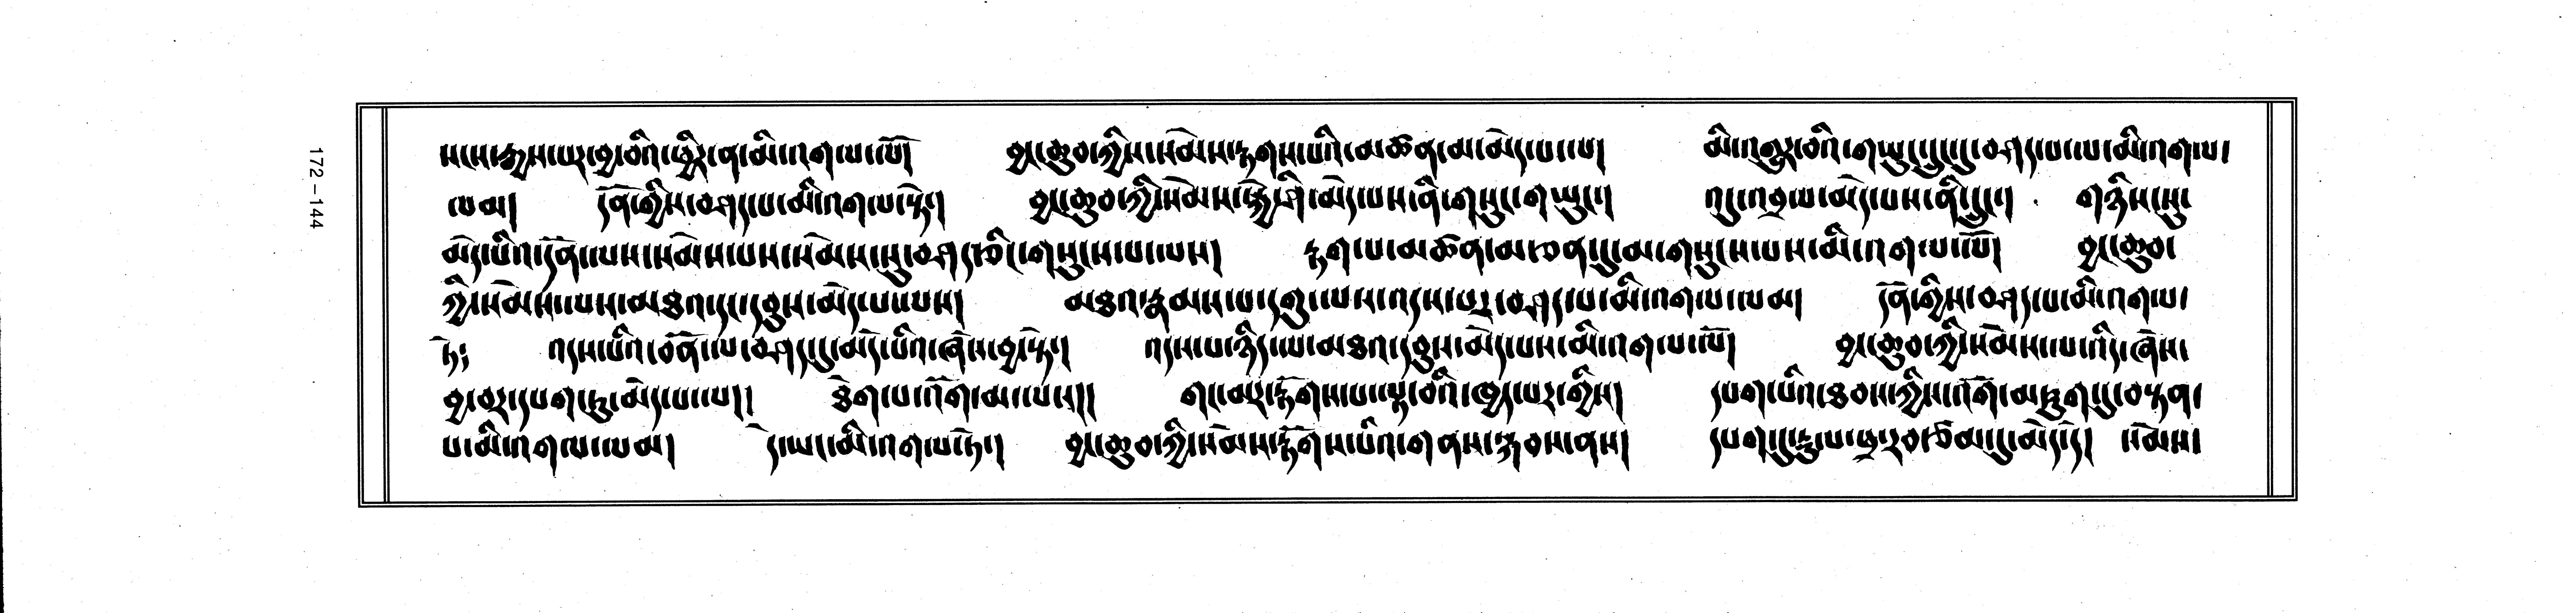སངས་རྒྱས་པར་བྱ་བའི་ཕྱིར་ན་མི་འགལ་ལོ། བྱང་ཆུབ་ཀྱིས་སེམས་རྟགས་པའི་མཚན་མ་མེད་པ་ལ། མི་འགྱུར་བའི་གཡུང་དྲུང་བཤད་པ་ལ་མི་འགལ་
ལམ། དོན་གྱིས་བཤད་པ་མི་འགལ་སྟེ། བྱང་ཆུབ་ཀྱི་སེམས་སྐྱེ་ཤི་མེད་པས་ནི་གཡུང་། འདུ་འབྲལ་མེད་པས་ནི་དྲུང་། གཉིས་སུ་
མེད་པའི་དོན་ལས་སེམས་པས་སེམས་སུ་བཤད་ཅིང་གསུངས་པ་ལས། རྟག་པ་མཚན་མ་ཅན་དུ་མ་གསུངས་པས་མི་འགལ་ལོ། བྱང་ཆུབ་
ཀྱི་སེམས་ལས་མཐའ་དང་དབུས་མེད་པ་ལས། མཐའ་རྣམས་པ་དགུ་ལས་འདས་པར་བཤད་པ་མི་འགལ་ལམ། དོན་གྱིས་བཤད་པ་མི་འགལ་
ཏེ། འདས་པའི་བོན་ལ་བཤད་དུ་མེད་པའི་ཞེས་བྱ་སྟེ། འདས་པ་ཉིད་ལ་མཐའ་དབུས་མེད་པས་མི་འགལ་ལོ། བྱང་ཆུབ་ཀྱི་སེམས་པ་འདི་ཞེས་
བྱ་བར་དཔག་ཏུ་མེད་པ་ལ། ཐེག་པ་འོག་མ་ལས། གོང་མར་རྟོགས་པ་ལྟ་བའི་ཁྱད་པར་གྱིས། དཔག་པའི་ཐབས་ཀྱིས་འོག་མཇུག་དུ་བསྟན་
པ་མི་འགལ་ལམ། དེ་ཡང་མི་འགལ་ཏེ། བྱང་ཆུབ་ཀྱི་སེམས་རྟོགས་པའི་གནས་སྐབས་ནས། དཔག་དུ་རྡུལ་ཕྲ་རབ་ཙམ་དུ་མེད་དེ། སེམས་